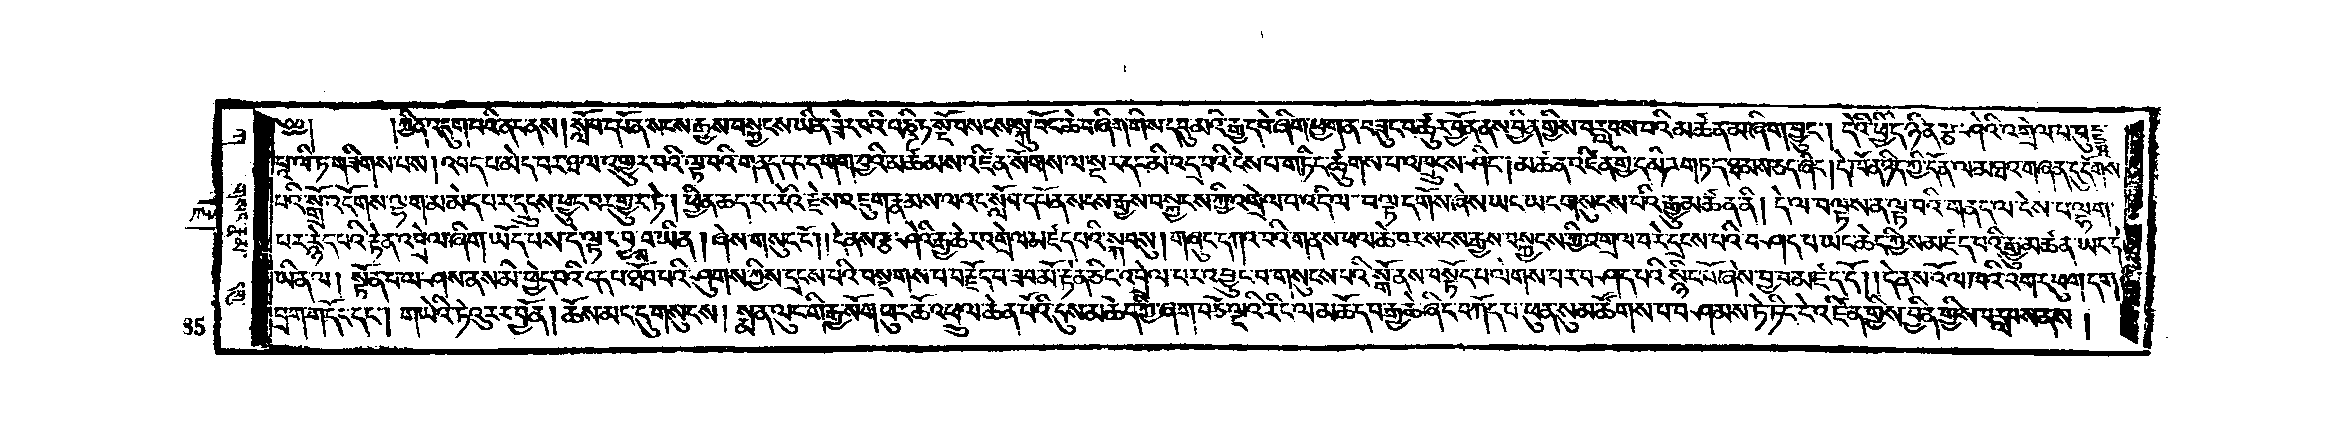༄༅། །ཀྱིན་འདུག་པའི་ནང་ནས། སློབ་དཔོན་སངས་རྒྱས་བསྐྱངས་ཡིན་ཟེར་བའི་པཎྜི་ཏ་སྔོ་བསངས་སྐུ་བོང་ཆེ་བ་ཞིག་གིས་དབུ་མའི་རྒྱ་དཔེ་ཞིག་ཕྱག་ན་བཟུང་བ་ཚུར་བྱོན་ནས་བྱིན་གྱིས་བརླབས་པའི་མཚན་མ་ཞིག་བྱུང་། དེའི་ཕྱི་དེ་ཉིན་རྩ་ཤེའི་འགྲེལ་པ་བུདྡྷཱ་
པཱ་ལི་ཏ་གཟིགས་པས། འབད་པ་མེད་པར་ཐལ་འགྱུར་བའི་ལྟ་བའི་གནད་དང་དགག་བྱའི་མཚམས་འཛིན་སོགས་ལ་སྔར་དང་མི་འདྲ་བའི་ངེས་པ་གཏིང་ཚུགས་པ་འཁྲུངས་ཤིང་། མཚན་འཛིན་གྱི་དམིགས་གཏད་ཐམས་ཅད་ཞིང་། དེ་ཁོ་ན་ཉིད་ཀྱི་དོན་ལ་མཐའ་གཞན་དུ་དོགས་
པའི་སྒྲོ་འདོགས་ལྷག་མ་མེད་པར་དྲུངས་ཕྱུང་བར་གྱུར་ཏེ། ཕྱིན་ཆད་རང་རོའི་རྗེས་འཇུག་རྣམས་ལའང་སློབ་དཔོན་སངས་རྒྱས་བསྐྱངས་ཀྱི་འགྲེལ་པ་འདི་ལ་བལྟ་དགོས་ཞེས་ཡང་ཡང་གསུངས་པའི་རྒྱུ་མཚན་ནི། དེ་ལ་བལྟས་ན་ལྟ་བའི་གནད་ལ་ངེས་པ་ལྷག་
པར་རྙེད་པའི་རྟེན་འབྲེལ་ཞིག་ཡོད་པས་དེ་ལྟར་བྱས་པ་ཡིན། ཞེས་གསུང་ངོ། །དེ་ནས་རྩ་ཤེའི་རྒྱ་ཆེར་འགྲེལ་མཛད་པའི་སྐབས་སུ། གཞུང་དཀའ་བའི་གནས་ཕལ་ཆེ་བར་སངས་རྒྱས་བསྐྱངས་ཀྱི་འགྲལ་བ་རེ་དྲངས་པའི་བཤད་པ་ཡང་ཆེད་ཀྱིས་མཛད་པའི་རྒྱུ་མཚན་ཡང་དེ་
ཡིན་ལ། སྟོན་པ་ལ་ཤས་ནས་མི་ཕྱེད་པའི་དད་པ་ཐོབ་པའི་ཤུགས་ཀྱིས་དྲངས་པའི་བསྔགས་པ་བརྗོད་པ་ཟབ་མོ་རྟེན་ཅིང་འབྲེལ་པར་འབྱུང་བ་གསུངས་པའི་སྒོ་ནས་བསྟོད་པ་ལེགས་པར་བཤད་པའི་སྙིང་པོ་ཞེས་བྱ་བ་མཛད་དོ། །དེ་ནས་འོལ་ཁའི་འགར་ཕུག་དག་
བྲག་གདོང་དང་། གཡེའི་ཏེའུ་རར་བྱོན། ཆོས་མང་དུ་གསུངས། སྨན་ལུང་གི་རྒྱ་སོག་ཕུར་ཆོ་འཕྲུལ་ཆེན་པོའི་དུས་མཆེད་ཀྱི་ཞག་བཅོ་ལྔའི་རིང་ལ་མཆོད་པ་རྒྱ་ཆེ་ཞིང་བཀོད་པ་ཕུན་སུམ་ཚོགས་པ་བཤམས་ཏེ་ཏིང་ངེ་འཛིན་གྱིས་བྱིན་གྱིས་བརླབས་ནས།